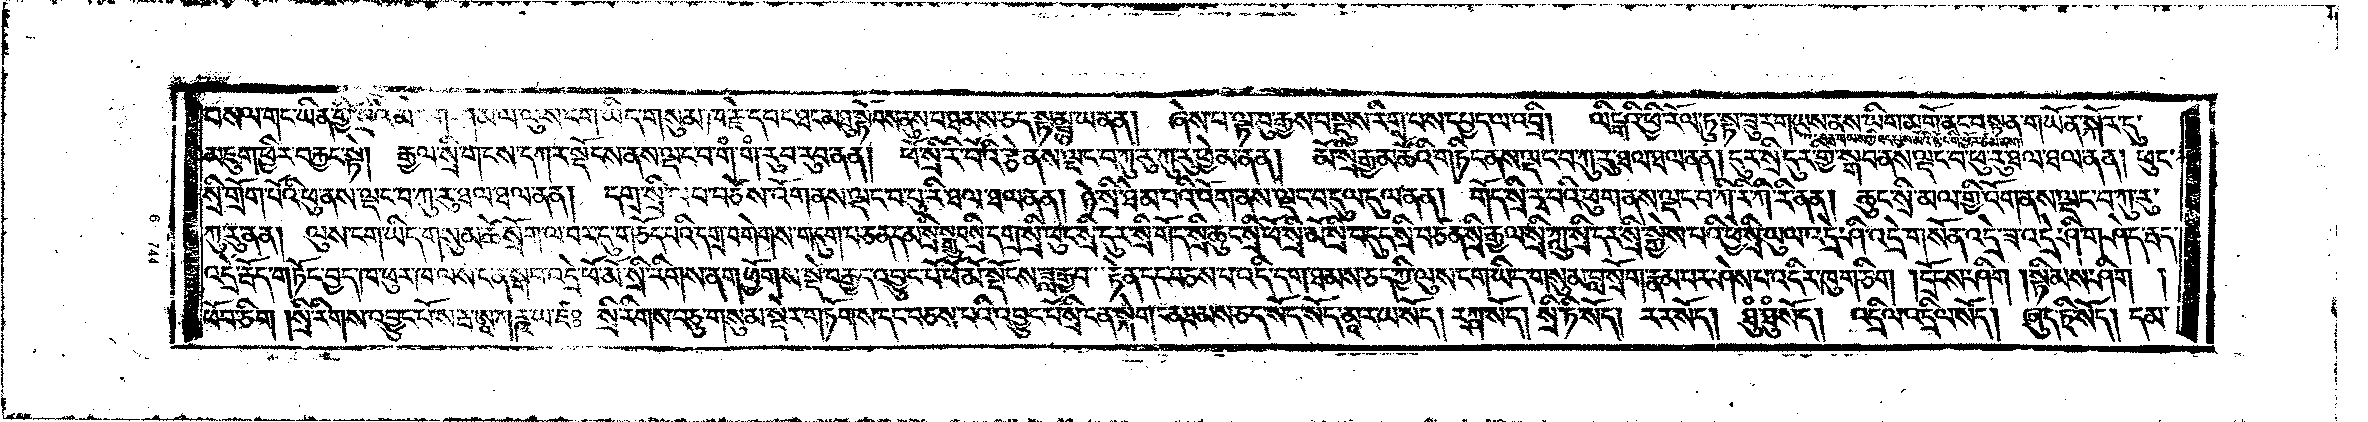བསལ་གང་ཡིན་གྱི་སྲིའི་མེད་གཤམ་ལ་ལུས་ངག་ཡིད་གསུམ་ཁ་རྗེ་དབང་ཐང་མཐུ་སྟོབས་ནུས་པ་ཐམས་ཅད་སྟམྦྷ་ཡ་ནན། ཞེས་པ་ལྟ་བུ་རྒྱས་བསྡུས་རིགས་པས་དཔྱད་ལ་འབྲི། ལིངྒའི་ཕྱི་རོལ་ཏུ་སྟ་ཟུར་གཡས་ནས་ཡིག་མགོ་ནང་བསྟན་གཡོན་སྐོར་དུ་
མཇུག་ཕྱིར་བརྐྱང་སྟེ། རྒྱལ་སྲི་གངས་དཀར་སྡོངས་ནས་ལྡང་བ་གཾ་གཾ་རུབ་རུབ་ནན། ཕོ་སྲི་རི་བོའི་རྩེ་ནས་ལྡང་བ་ཀུ་རུ་ཀུ་རུ་ཕྱེ་མ་ནན། མོ་སྲི་རྒྱ་མཚོའི་གཏིང་ནས་ལྡང་བ་ཀུ་རུ་ཐལ་ཐལ་ནན། དུར་སྲི་དུར་གྱི་སྒབ་ནས་ལྡང་བ་ཕུ་རུ་ཐལ་ཐལ་ནན། ཕུང་
སྲི་གྲོག་པོའི་ཕུ་ནས་ལྡང་བ་ཀུ་རུ་ཐལ་ཐལ་ནན། དགྲ་སྲི་ལབ་བཙེས་འོག་ནས་ལྡང་བ་པུ་རི་ཐལ་ཐལ་ནན། ཉེ་སྲི་ཐེམ་པའི་འོག་ནས་ལྡང་བ་དུལ་དུལ་ནན། གོད་སྲི་རྭ་བའི་ཕུག་ནས་ལྡང་བ་ཀི་རི་ཀི་རི་ནན། ཆུང་སྲི་མལ་གྱི་འོག་ནས་ལྡང་བ་ཀུ་རུ་
ཀུ་རུ་ནན། ལུས་ངག་ཡིད་གསུམ་ཚེ་སྲོག་ལ་བར་དུ་གཅོད་པའི་དགྲ་བགེགས་གདུག་པ་ཅ་དམ་སྲི་སྒྲུབ་སྲི་དགྲ་སྲི་ཕུང་སྲི་དུར་སྲི་གོད་སྲི་ཆུང་སྲི་ཕོ་སྲི་མོ་སྲི་བདུད་སྲི་བཙན་སྲི་རྒྱལ་སྲི་ཀླུ་སྲི་དར་སྲི་སྐྱེས་པའི་ཕྱེ་སྲི་ཡུལ་འདྲེ་ཤི་འདྲེ་གསོན་འདྲེ་ཟ་འདྲེ་ཤི་གཤེད་རྦད་
འདྲེ་རྦོད་གཏོང་བྱད་ཁ་ཕུར་ཁ་ལས་ངན་སྒབ་འདྲེ་ཕོ་མོ་སྲི་རིགས་ནག་ཕྱོགས་སྡེ་བརྒྱད་འབྱུང་པོ་ཕོ་མོ་སྡོངས་ཟླ་རྒྱབ་རྟེན་དང་བཅས་པ་འདི་དག་ཐམས་ཅད་ཀྱི་ལུས་ངག་ཡིད་གསུམ་བླ་སྲོག་རྣམ་པར་ཤེས་པ་འདིར་ཁུ་གཅིག །དྲོངས་ཤིག །སྟིམས་ཤིག །
ཕོབ་ཅིག །སྲི་རིགས་འབྱུང་པོ་སརྦ་ཨཱ་གརྵ་ཡ་ཛཿ སྲི་རིགས་བཅུ་གསུམ་སྡེར་གཏོགས་དང་བཅས་པའི་འབྱུང་པོ་སྲི་ངན་སྐེག་ངན་ཐམས་ཅད་སོད་སོད་མཱ་ར་ཡ་སོད། རཀྴ་སོད། སྲི་ཏི་སོད། རར་སོད། ཐུཾ་ཐུཾ་སོད། འདྲིལ་འདྲིལ་སོད། ཞུད་ཏྲི་སོད། དམ་